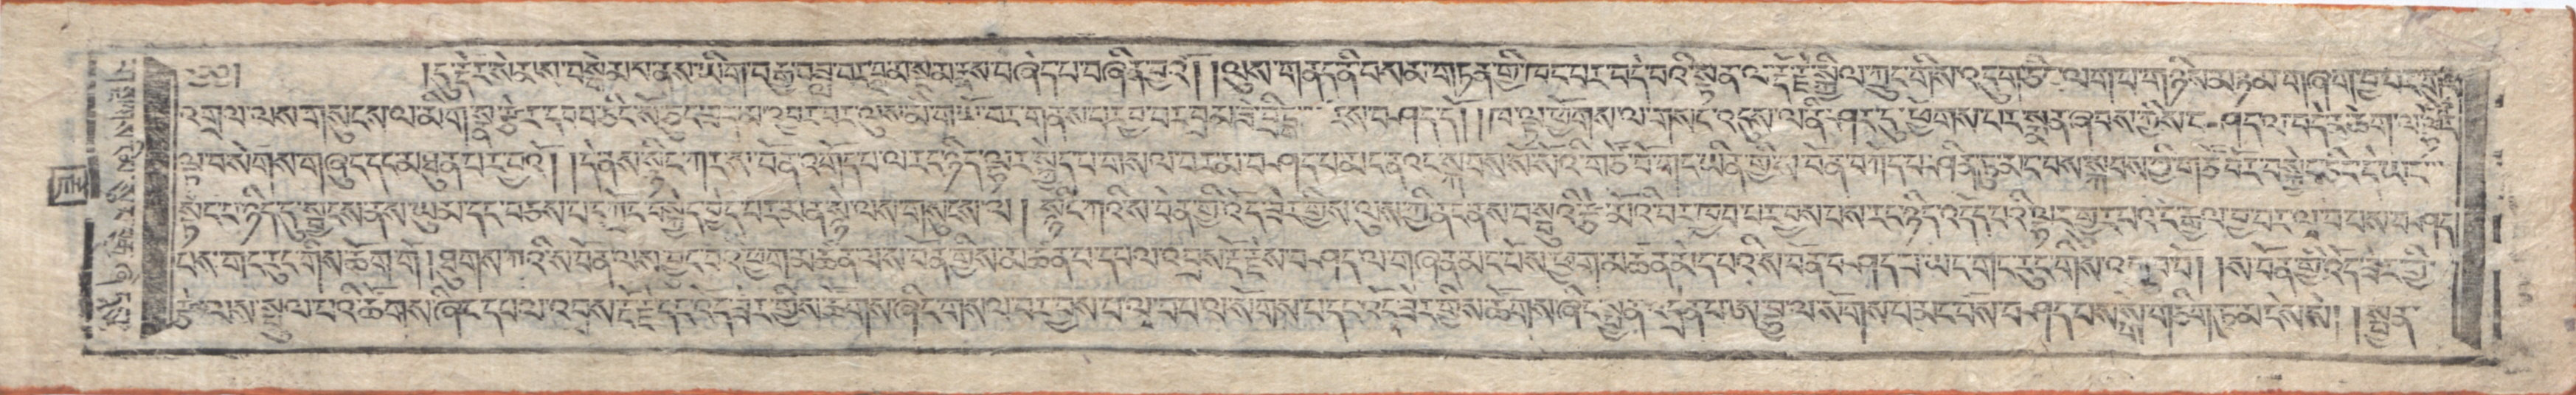༄༅། །དུ་རྡོར་སེམས་བསྒོམས་ནས་ཡིག་བརྒྱ་བཟླ་བར་བླ་མ་སྔ་མ་རྣས་བཞེད་པ་བཞིན་བྱའོ། །ལུས་གནད་ནི་བསམ་གཏན་གྱི་ཁང་པར་བདེ་བའི་སྟན་ལ་རྡོ་རྗེ་སྐྱིལ་ཀྲུང་གིས་འདུག་ཅིང་ལག་པ་གཉིས་མཉམ་གཞག་བྱ་བར་གུར་
འགྲེལ་ལས་གསུངས་ལ་མིག་སྣ་རྩེར་དབབ་ཅིང་སོ་ཅུང་ཟད་མ་འབྱར་བར་ལུས་མི་གཡོ་བར་གནས་པར་བྱ་བར་བྲམ་ཟེ་བྲིང་ག་རས་བཤད་དོ། །ཁ་ལྟ་ཕྱོགས་ལ་གསང་འདུས་ལ་ནི་ཤར་དུ་ཕྱོགས་པར་སྨན་ཞབས་ཀྱིས་བཤད་ལ་བདེ་མཆོག་ལ་ལྷོར་
ལྟ་བ་སོགས་གཞུང་དང་མཐུན་པར་བྱའོ། །དེ་ནས་སྙིང་ཀར་ས་བོན་འགོད་པ་ལ་རང་ཉིད་ལྷར་སྐྱེད་པ་གསལ་བར་མ་བཤད་པ་མང་ནའང་སྐབས་སོ་སོའི་གཙོ་བོ་གང་ཡིན་གྱི་ས་བོན་བཀོད་པ་ཤིན་ཏུ་མང་བས་སྐབས་ཀྱི་གཙོ་བོར་བསྐྱེད་ཅིང་དེ་ཡང་
སྟོང་པ་ཉིད་དུ་སྦྱངས་ནས་ཡུམ་དང་བཅས་པ་བཀྲོང་བསྐྱེད་བྱེད་པར་མན་སྙེ་ལས་གསུངས་ལ། སྙིང་ཀའི་ས་བོན་གྱི་འོད་ཟེར་གྱིས་ལུས་ཀྱི་ནང་ནས་བ་སྤུའི་རྩེ་མོའི་བར་ཁྱབ་པར་བྱས་པས་རང་ཉིད་འདོད་པའི་ལྷར་གྱུར་པའི་ང་རྒྱལ་བྱ་བར་ལྭ་བ་པས་བཤད་
པས་གང་རུང་གིས་ཆོག་གོ །ཐུགས་ཀའི་ས་བོན་ལས་བྱུང་བའི་ཕྱག་མཚན་ལ་ས་བོན་གྱིས་མཚན་པ་དཔལ་འབྲས་རྡོ་རྗེས་བཤད་ལ་གཞན་མང་པོས་ཕྱག་མཚན་མེད་པའི་ས་བོན་བཤད་པ་ཡང་གང་རུང་གིས་འགྲུབ་བོ། །ས་བོན་གྱི་འོད་ཟེར་གྱི་
རྩེ་ལས་སྤྲུལ་པའི་ཚོགས་ཞིང་དཔལ་འབྲས་རྡོ་རྗེ་དང་འོད་ཟེར་གྱིས་ཚོགས་ཞིང་གསལ་བར་བྱས་པ་ལྭ་བ་པ་ལ་སོགས་པ་དང་འོད་ཟེར་གྱིས་ཚོགས་ཞིང་སྤྱན་འདྲེན་པ་ཨ་བྷྱ་ལ་སོགས་པ་མང་པོས་བཤད་པས་སྒོ་གཅིག་ཏུ་མ་ངེས་སོ། །སྤྱན་